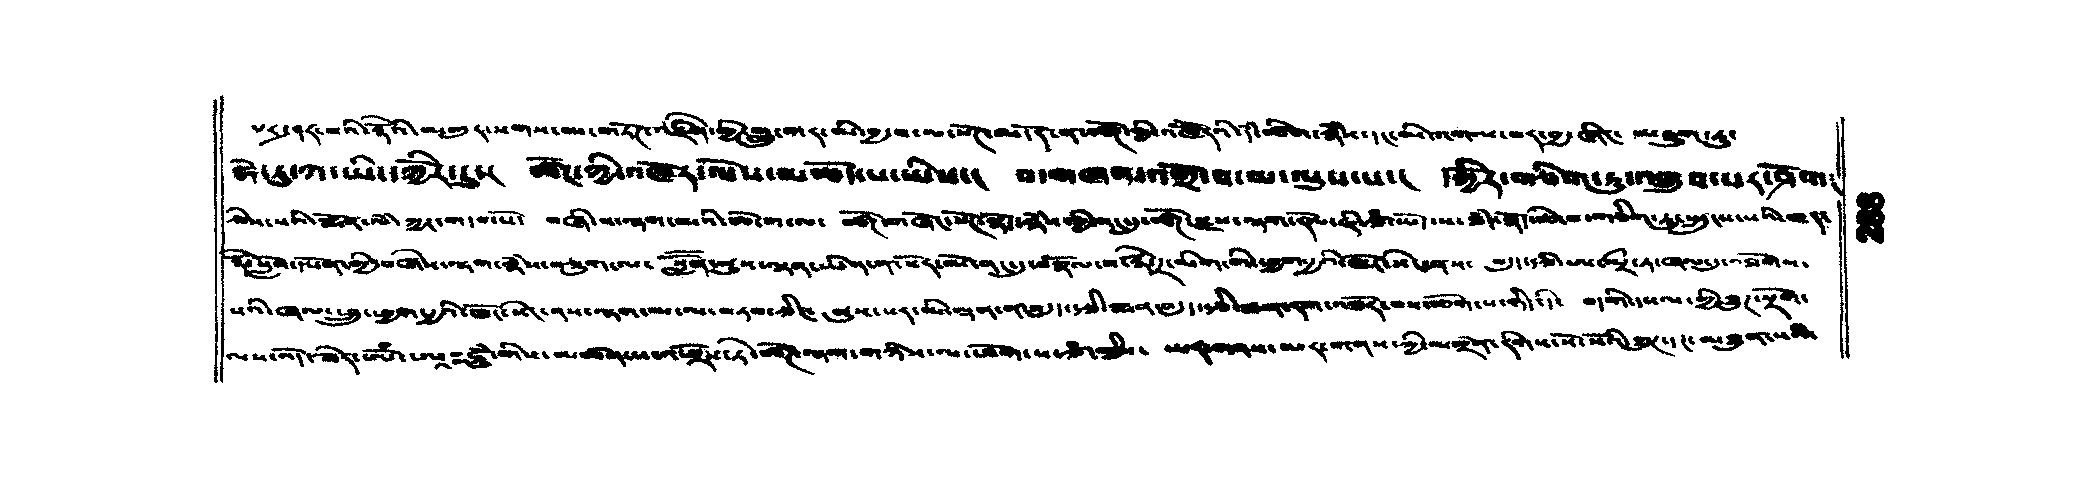པར་ཤར་བའི་རྡོ་རྗེའི་མགུར་སོགས་མ་གཏོགས་འཇིག་རྟེན་གྱི་གླུ་གར་མི་བྱ་བ་ལ་སོགས་མདོར་ན་ཚོགས་ཀྱི་འཁོར་ལོའི་དམ་ཚིག་རྣམས་མི་འགལ་བར་བྱ་ཞིང་། མཇུག་ཏུ། 
ཧེ་རུ་ཀ་ཡི་དཀྱིལ་འཀོར་དུ། །ཚོགས་ཀྱི་ཁོར་ལོས་མཆོད་པ་ཡིས། །བདག་གཞན་འགྲོ་བ་མ་ལུས་པ། །དཀྱིལ་འཁོར་གཅིག་ཏུ་འགྲུབ་པར་ཤོག་
ཅེས་པའི་སྨོན་ལམ་ཀྱང་གདབ་བོ། བཞི་པ་ལྷག་མའི་ཆོ་ག་ལ། ཚོགས་གཞོང་སོགས་སྣོད་རྣམས་ཀྱི་ནང་དུ་ལྷག་རོལ་ཇི་ཙམ་ཡོད་པ་ཐམས་ཅད་ཆེ་བ་གཅིག་ཏུ་སྤུངས་པའི་ཁར་
རྡོ་རྗེ་སློབ་དཔོན་གྱི་བཞེས་ལྷག་རྣམས་བཅུག་ལ། སློབ་མ་ནུས་ལྡན་ཡིན་ན་སོར་མོ་ནང་དུ་བསྣོལ་བ་རྡོ་རྗེ་དྲ་མིག་གི་ཕྱག་རྒྱའི་ཁོང་སེང་ནས། བདུད་རྩི་ཨ་མྲྀ་ཏ་ཞལ་དུ་འཐོགས་
པའི་ཞལ་ཕྲུ་ཕྱག་རྒྱའི་ཁོང་སེང་ནས་ལྷག་མ་ལ་བཏབ་ཅིང་། ནུས་པར་མི་ལྡན་ན་བདུད་རྩི་སྨན་བདུད་རྩི་སྨན་རག་འཐོར་བས་ཆོག་པ་ཉིད་དེ། བདག་གི་དཔལ་གྱི་ཐུགས་སྲོག་
ལས་འོད་ཟེར་ཨོཾ་ཨཱཿཧཱུཾ་གིས་མཚན་པ་འཕྲོས་ཏེ་ཚོགས་ལྷག་གཉིས་ལ་ཕོག་པ་ཙམ་གྱིས། ཡར་གནས་མར་གནས་ཀྱི་མགྲོན་རིགས་སོ་སོའི་ཐུགས་དང་མཐུན་པའི་